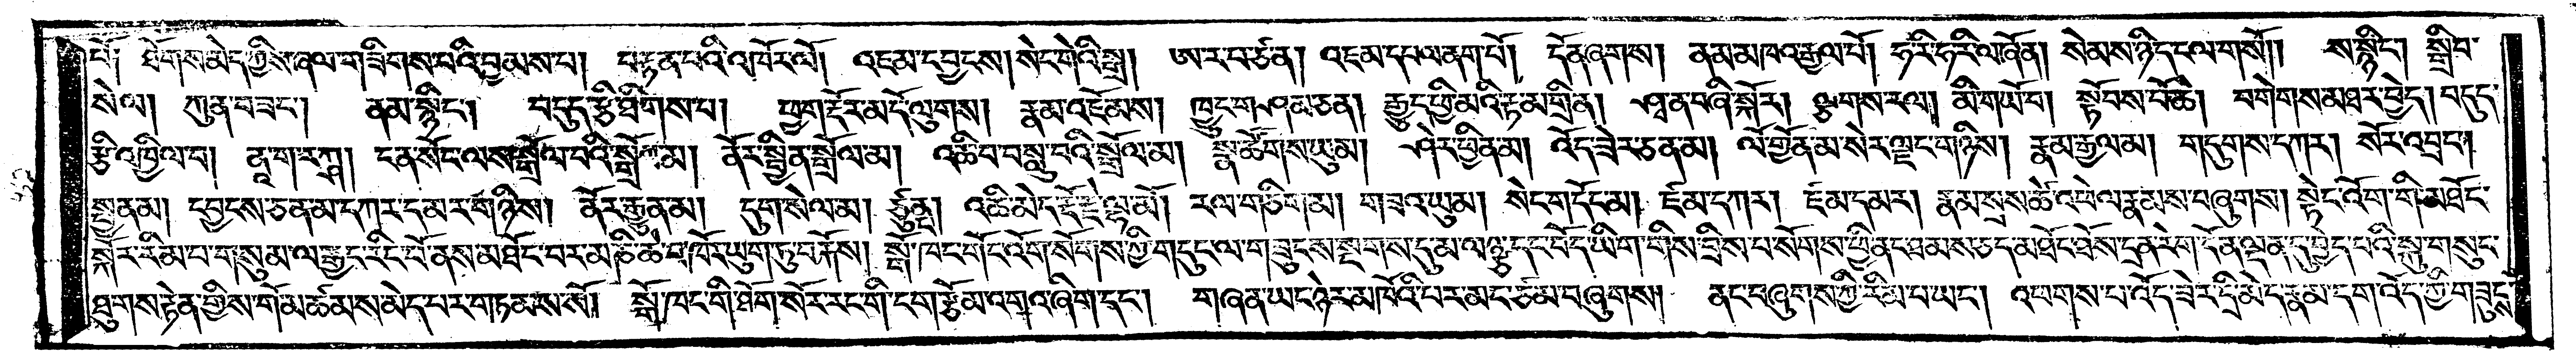པོ༑ ཐོགས་མེད་ཀྱིས་ཞལ་གཟིགས་པའི་བྱམས་པ། བརྟན་པའི་འཁོར་ལོ། འཇམ་དབྱངས། སེང་གེའི་སྒྲ། ཨ་ར་བ་ཙན། འཇམ་དཔལ་ནག་པོ། དོན་ཞགས། ནམ་མཁའ་རྒྱལ་པོ། ཧ་རི་ཧ་རི་ལ་ཞོན། སེམས་ཉིད་ངལ་གསོ།། ས་སྙིང་། སྒྲིབ་
སེལ། ཀུན་བཟང་། ནམ་སྙིང་། བདུད་རྩི་ཐིགས་པ། ཕྱག་རྡོར་མདོ་ལུགས། རྣམ་འཇོམས། ཁྱུང་གཤམ་ཅན། རྒྱུད་ཕྱི་མའི་རྟ་མགྲིན། ཤྭ་ན་བཞི་སྐོར། ལྕགས་རལ། མི་གཡོ་བ། སྟོབས་པོ་ཆེ། བགེགས་མཐར་བྱེད། བདུད་
རྩི་འཁྱིལ་བ། ནཱ་ག་རཀྴ། ངན་སོང་ལས་སྒྲོལ་བའི་སྒྲོལ་མ། ནོར་སྦྱིན་སྒྲོལ་མ། འཆི་བ་བསླུ་བའི་སྒྲོལ་མ། སྣ་ཚོགས་ཡུམ། ཤེར་ཕྱིན་མ། འོད་ཟེར་ཅན་མ། ལོ་གྱོན་མ་སེར་ལྗང་གཉིས། རྣམ་རྒྱལ་མ། གདུགས་དཀར། སོར་འབྲང་།
སྤྱན་མ། དབྱངས་ཅན་མ་དཀར་དམར་གཉིས། ནོར་རྒྱུན་མ། དུག་སེལ་མ། ཙུནྡ། འཆི་མེད་རྡོ་རྗེ་ལྷ་མོ། རལ་གཅིག་མ། གཟའ་ཡུམ། སེང་གདོང་མ། ཛམ་དཀར། ཛམ་དམར། རྣམ་སྲས་ཚེ་འཕེལ་རྣམས་བཞུགས། སྟེང་འོག་གི་མཐོང་
སྐོར་རིམ་པ་གསུམ་ལ་རྒྱང་རིང་བོ་ནས་མཐོང་བར་མ་ཎི་ཆེ་འཁོར་ཡུག་ཏུ་བརྐོས། སྒོ་ཁང་གོང་འོག་སོགས་ཀྱི་གདུང་ལ་གཟུངས་སྔགས་དུ་མ་ལཉྩ་དང་བོད་ཡིག་གིས་བྲིས་པ་སོགས་ཕྱིན་པ་ཐམས་ཅད་མཐོང་ཐོས་དྲན་རེག་དོན་ལྡན་དུ་བྱེད་པའི་སྐུ་གསུང་
ཐུགས་རྟེན་གྱིས་གོ་མཚམས་མེད་པར་གཏམས་སོ། སྒོ་ཁང་གི་ཐོག་སོར་རང་གི་ངག་རྩོམ་འགའ་ཞིག་དང་། གཞན་ཡང་ཉེར་མཁོའི་པར་མང་ཙམ་བཞུགས། ནང་བཞུགས་ཀྱི་རིམ་པ་ཡང་། འཕགས་པ་འོད་ཟེར་དྲི་མེད་རྣམ་དག་འོད་ཀྱི་གཟུངས་